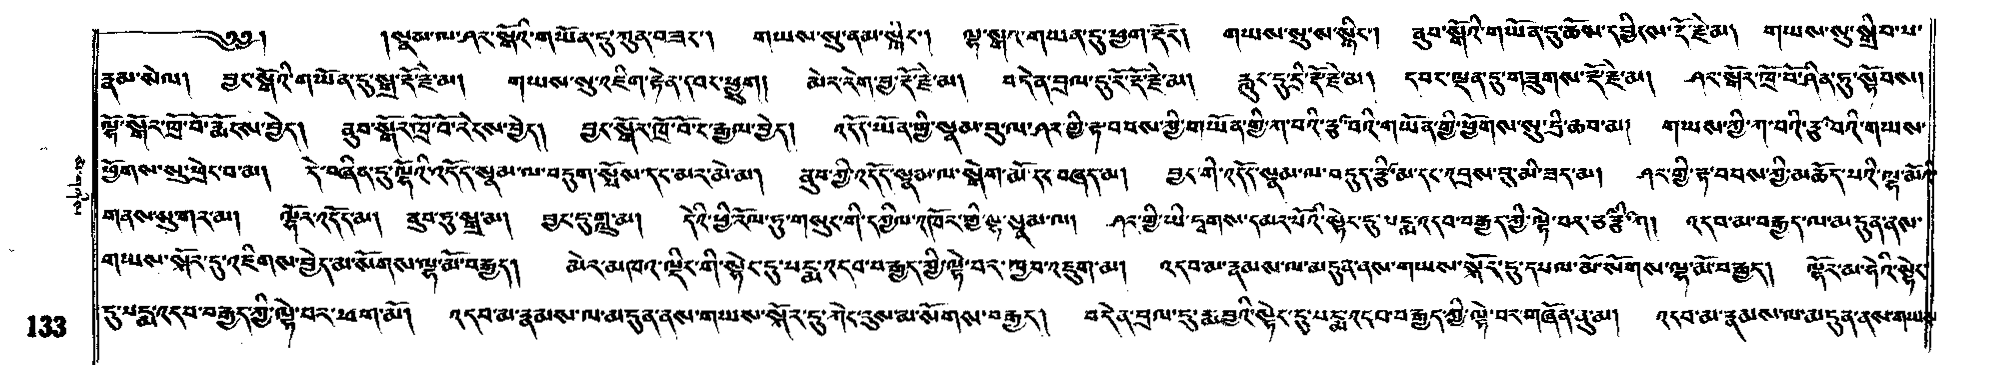༄༅། །སྣམ་ལ་ཤར་སྒོའི་གཡོན་དུ་ཀུན་བཟང་། གཡས་སུ་ནམ་སྙིང་། ལྷ་སྒའ་གཡན་དུ་ཕྱག་རྡོར། གཡས་སུ་ས་སྙིང་། ནུབ་སྒོའི་གཡོན་དུ་ཆོས་དབྱིངས་རྡོ་རྗེ་མ། གཡས་སུ་སྒྲིབ་པ་
རྣམ་སེལ། བྱང་སྒོའི་གཡོན་དུ་སྒྲ་རྡོ་རྗེ་མ། གཡས་སུ་འཇིག་རྟེན་དབང་ཕྱུག། མེར་རེག་བྱ་རྡོ་རྗེ་མ། བདེན་བྲལ་དུ་རོ་རྡོ་རྗེ་མ། རླུང་དུ་དྲི་རྡོ་རྗེ་མ། དབང་ལྡན་དུ་གཟུགས་རྡོ་རྗེ་མ། ཤར་སྒོར་ཁྲོ་བོ་ཤིན་ཏུ་སྟོབས།
ལྷོ་སྒོར་ཁྲོ་བོ་རྨོངས་བྱེད། ནུབ་སྒོར་ཁྲོ་བོ་རེངས་བྱེད། བྱང་སྒོར་ཁྲོ་བོ་ང་རྒྱལ་བྱེད། འདོད་ཡོན་གྱི་སྣམ་བུ་ལ་ཤར་གྱི་རྟ་བབས་ཀྱི་གཡོན་གྱི་ཀ་བའི་རྩ་བའི་གཡོན་གྱི་ཕྱོགས་སུ་དྲི་ཆབ་མ། གཡས་ཀྱི་ཀ་བའི་རྩ་བའི་གཡས་
ཕྱོགས་སུ་ཕྲེང་བ་མ། དེ་བཞིན་དུ་ལྷོའི་འདོད་སྣམ་ལ་བདུག་སྤོས་དང་མར་མེ་མ། ནུབ་ཀྱི་འདོད་སྣམ་ལ་སྒེག་མོ་དང་བཞད་མ། བྱང་གི་འདོད་སྣམ་ལ་བདུད་རྩི་མ་དང་འབྲས་བུ་མི་ཟད་མ། ཤར་གྱི་རྟ་བབས་ཀྱི་མཆོད་པའི་ལྷ་མོའི་
གནས་སུ་གར་མ། ལྷོར་འདོད་མ། ནུབ་ཏུ་སྒྲ་མ། བྱང་དུ་གླུ་མ། དེའི་ཕྱི་རོལ་ཏུ་གསུང་གི་དཀྱིལ་འཁོར་གྱི་ལྷ་སྣམ་ལ། ཤར་གྱི་ཡི་དྭགས་དམར་པོའི་སྟེང་དུ་པདམ་འདབ་བརྒྱད་ཀྱི་ལྟེ་བར་རྩ་རྩི་ཀ། འདབ་མ་བརྒྱད་ལ་མདུན་ནས་
གཡས་སྐོར་དུ་འཇིགས་བྱེད་མ་སོགས་ལྷ་མོ་བརྒྱད། མེར་མཁའ་ལྡིང་གི་སྟེང་དུ་པདམ་འདབ་བརྒྱད་ཀྱི་ལྟེ་བར་ཁྱབ་འཇུག་མ། འདབ་མ་རྣམས་ལ་མདུན་ནས་གཡས་སྐོར་ཏུ་དཔལ་མོ་སོགས་ལྷ་མོ་བརྒྱད། ལྷོར་མ་ཧེའི་སྟེང་
དུ་པདམ་འདབ་བརྒྱད་ཀྱི་ལྟེ་བར་ཕག་མོ། འདབ་མ་རྣམས་ལ་མདུན་ནས་གཡས་སྐོར་དུ་ཀེང་རུས་མ་སོགས་བརྒྱད། བདེན་བྲལ་དུ་རྨ་བྱའི་སྟེང་དུ་པདམ་འདབ་བརྒྱད་ཀྱི་ལྟེ་བར་གཞོན་ནུ་མ། འདབ་མ་རྣམས་ལ་མདུན་ནས་གཡས་